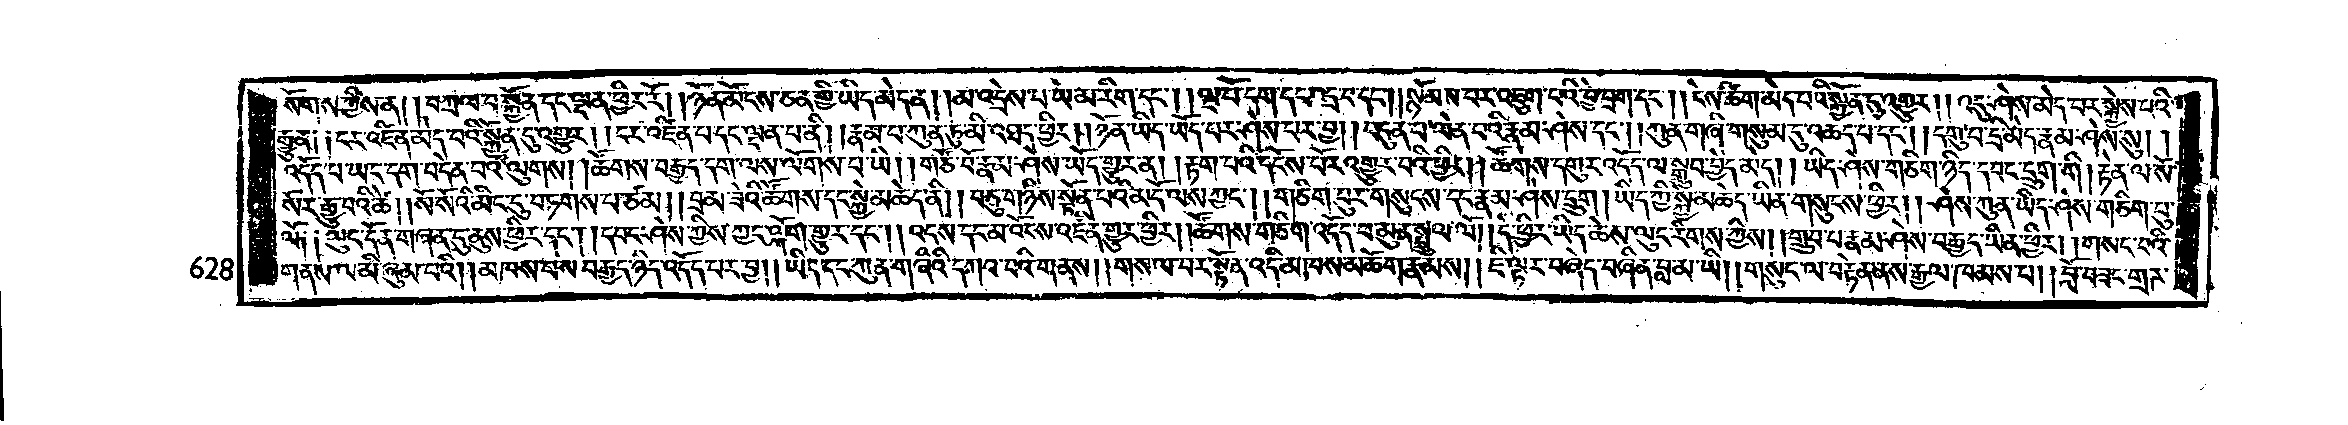སོགས་ཀྱིས་ནི། །བཀྲལ་བ་སྐྱོན་དང་ལྡན་ཕྱིར་རོ། །ཉོན་མོངས་ཅན་གྱི་ཡིད་མེད་ན། །མ་འདྲེས་པ་ཡི་མ་རིག་དང་། །ལྔ་པོ་དག་དང་འདྲ་བ་དང་། །སྙོམས་པར་འཇུག་པའི་བྱེ་བྲག་དང་། །ངེས་ཚིག་མེད་པའི་སྐྱོན་དུ་འགྱུར། །འདུ་ཤེས་མེད་པར་སྐྱེས་པའི་
རྒྱུན༑ ༑ངར་འཛིན་མེད་པའི་སྐྱོན་དུ་འགྱུར། །ངར་འཛིན་པ་དང་ལྡན་པ་ནི། །རྣམ་པ་ཀུན་ཏུ་མི་འཐད་ཕྱིར། །ཉོན་ཡིད་ཡོད་པར་ཤེས་པར་བྱ། །བདུན་པ་ལེན་པའི་རྣམ་ཤེས་དང་། །ཀུན་གཞི་གསུམ་དུ་འཆད་པ་དང་། །དགུ་པ་དྲི་མེད་རྣམ་ཤེས་སུ། །
འདོད་པ་ཡང་དག་བདེན་པའི་ལུགས།།ཚོགས་བརྒྱད་དག་ལས་ལོགས་པ་ཡི། །གཙོ་བོ་རྣམ་ཤེས་ཡོད་གྱུར་ན། །རྟག་པའི་དངོས་པོར་འགྱུར་བའི་ཕྱིར། །ཚོགས་དགུར་འདོད་ལ་སྒྲུབ་བྱེད་མེད། །ཡིད་ཤེས་གཅིག་ཉིད་དབང་དྲུག་གི །རྟེན་ལ་སོ་
སོར་རྒྱུ་བའི་ཚེ། །སོ་སོའི་མིང་དུ་བཏགས་པ་ཙམ། །བྲམ་ཟེའི་ཚོགས་དང་སྐྱེ་མཆེད་ནི། །བཅུ་གཉིས་སྟོན་པའི་མདོ་ལས་ཀྱང་། །གཅིག་པུར་གསུངས་དང་རྣམ་ཤེས་དྲུག །ཡིད་ཀྱི་སྐྱེ་མཆེད་ཡིན་གསུངས་ཕྱིར། །ཤེས་ཀུན་ཡིད་ཤེས་གཅིག་པུ་
ལོ༑ ༑ལུང་དོན་གཞན་དུ་ནུས་ཕྱིར་དང་། །དབང་ཤེས་ཀྱིས་ཀྱང་ལྐོག་གྱུར་དང་། །འདས་དང་མ་འོངས་འཛིན་གྱུར་ཕྱིར། །ཚོགས་གཅིག་འདོད་པ་མུན་སྤྲུལ་ལོ། །དེ་ཕྱིར་ཡིད་ཆེས་ལུང་རིགས་ཀྱིས། །གྲུབ་པ་རྣམ་ཤེས་བརྒྱད་ཡིན་ཕྱིར། །གསང་བའི་
གནས་ལ་མི་ཞུམ་པའི། །མཁས་པས་བརྒྱད་ཉིད་འདོད་པར་བྱ། །ཡིད་དང་ཀུན་གཞིའི་དཀའ་བའི་གནས། །གསལ་བར་སྟོན་འདི་མཁས་མཆོག་རྣམས། །ཇི་ལྟར་བཞེད་བཞིན་བླ་མ་ཡི། །གསུང་ལ་བརྟེན་ནས་རྒྱལ་ཁམས་པ། །བློ་བཟང་གྲགས་